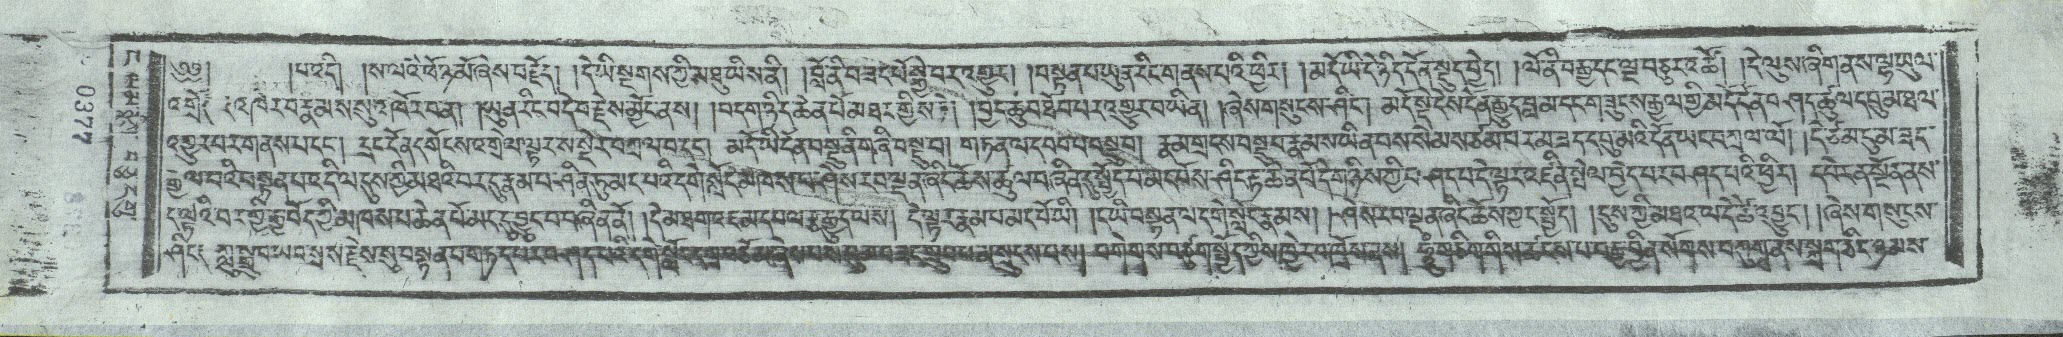༄༅། །པ་འདི། །ས་ལའི་ཕོ་ཉ་མོ་ཞེས་བརྗོད། །དེ་ཡི་སྔགས་ཀྱི་མཐུ་ཡིས་ནི། །བློ་ནི་བཟང་པོ་སྐྱེ་བར་འགྱུར། །བསྟན་པ་ཡུན་རིང་གནས་པའི་ཕྱིར། །མདོ་ཡི་དེ་ཉིད་དོན་སྡུད་བྱེད། །ལོ་ནི་བརྒྱ་དང་ལྔ་བཅུར་འཚོ། །དེ་ལུས་ཞིག་ནས་ལྷ་ཡུལ་
འགྲོ༑ ༑འཁོར་བ་རྣམས་སུ་འཁོར་བ་ན། །ཡུན་རིང་བདེ་བ་རྗེས་མྱོང་ནས། །བདག་ཉིད་ཆེན་པོ་མཐར་གྱིས་ཏེ། །བྱང་ཆུབ་ཐོབ་པར་འགྱུར་བ་ཡིན། །ཞེས་གསུངས་ཤིང་། མདོ་སྡེ་ངེས་དོན་རྒྱུད་བླ་མ་དང་གཟུངས་རྒྱལ་གྱི་མདོ་དོན་བཤད་ཚུལ་དབུ་མ་ཐལ་
འགྱུར་པར་གནས་པ་དང་། དྲང་དོན་དགོངས་འགྲེལ་ལྟར་ས་སྡེར་བཀྲལ་བ་དང་། མདོ་ཡི་དོན་བསྡུ་ནི་གཞི་བསྡུ་བ། གཏན་ལ་དབབ་པ་བསྡུ་བ། རྣམ་གྲངས་བསྡུ་བ་རྣམས་ཡིན་པས་སེམས་ཙམ་པར་མ་ཟད་དབུ་མའི་དོན་ཡང་བཀྲལ་ལོ། །དེ་ཙམ་དུམ་ཟད་
རྒྱལ་བའི་བསྟན་པ་འདི་ལ་དུས་ཀྱི་མཐའི་བར་དུ་རྣམ་པ་ཤིན་ཏུ་མང་པའི་དགེ་སློང་མཁས་པ་ཤེས་རབ་ལྡན་ནང་ཆོས་ཚུལ་བཞིན་དུ་སྤྱོད་པ་མང་པོར། ཤིང་རྟ་ཆེན་པོ་དེ་གཉིས་ཀྱི་བཤད་པ་དེ་ལྟར་འཛིན་སྤེལ་བྱེད་པར་བཤད་པའི་ཕྱིར། དཔེར་ན་སྔོན་ནས་
ད་ལྟའི་བར་གྱི་རྒྱ་བོད་ཀྱི་མཁས་པ་ཆེན་པོ་མང་དུ་བྱུང་བ་བཞིན་ནོ། །དེ་མ་ཐག་འཇམ་དཔལ་རྩ་རྒྱུད་ལས། དེ་ལྟར་རྣམ་པ་མང་པོ་ཡི། །ད་ཡི་བསྟན་ལ་དགེ་སློང་རྣམས། །ཤེས་རབ་ལྡན་ཞིང་ཆོས་ཀྱང་སྦྱོད། །དུས་ཀྱི་མཐའ་ལ་དེ་ཚེ་འབྱུང་། །ཞེས་གསུངས་
ཤིང༑ ཀླུ་སྒྲུབ་ཡབ་སྲས་རྗེས་སུ་བསྟན་པ་གཏད་བར་བཤད་པའི་དགེ་སློང་དགྲ་བཅོམ་ཞེས་པས་བུམ་བཟང་གྲུབ་པ་མ་སྲུངས་བས། བགེགས་བཙུག་སྤྱོད་ཀྱིས་ཁྱེར་བ་ཁྲོས་ནས། ཧཱུཾ་གཅིག་གིས་ཚངས་པ་བརྒྱ་བྱིན་སོགས་བསུགས་ནས་སྐྲག་ཅིང་ཉམས་